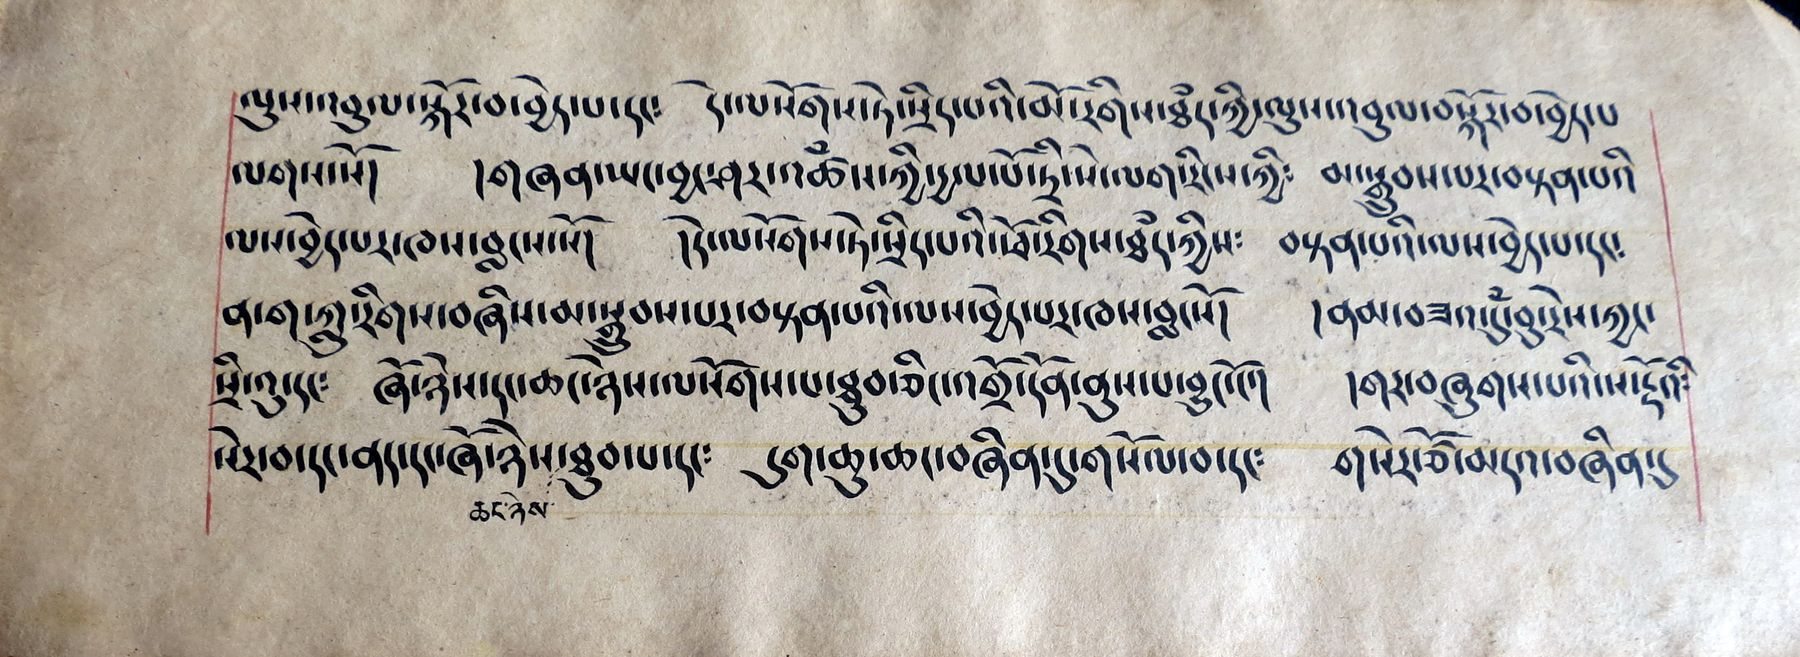ལུས་འབུལ་སྐོར་བ་བྱེད་པ་དང་། དེ་ལ་སོགས་ཏེ་སྲིད་པའི་མོ་རིགས་ཐམས་ཅད་ཀྱིས་ལུས་འབུལ་བསྐོར་བ་བྱེད་པ་
ལགས་སོ། གཞན་ཡང་བྱང་ཤར་མཚམས་ཀྱི་རྒྱལ་པོ་ཏྲེ་སེ་ལག་རིང་གིས། མ་བསྒྲུབ་པར་བསྟན་པའི་
ལས་བྱེད་པར་ཁས་བླངས་སོ། །དེ་ལས་སོགས་ཏེ་སྲིད་པའི་ཕོ་རིགས་ཐམས་ཅད་ཀྱིས། བསྟན་པའི་ལས་བྱེད་པ་དང་། 
ན་ག་ཀླུའི་རིགས་བཞིས་མ་བསྒྲུབ་པར་བསྟན་པའི་ལས་བྱེད་པར་ཁས་བླངས་སོ། །ན་བཟའ་དུམ་བུ་རེས་ཀྱང་
སྲིའུ་དང་། ཞོ་ཉེས་ཆང་ཉེས་ལས་སོགས་པ་ཐུབ་ཅིང་འགྲོ་དོན་ནུས་པ་བྱུང་ངོ་། གར་བཞུགས་པའི་ས་རྡོས་
སེར་བ་དང་། ནད་དང་ཞོ་ཉེས་ཆང་ཉེས་ཐུབ། དུག་ཆུ་ཆང་བཞིན་དུ་གསོལ་བ་དང་། གསེར་བཙོ་མདའ་བཞིན་དུ་